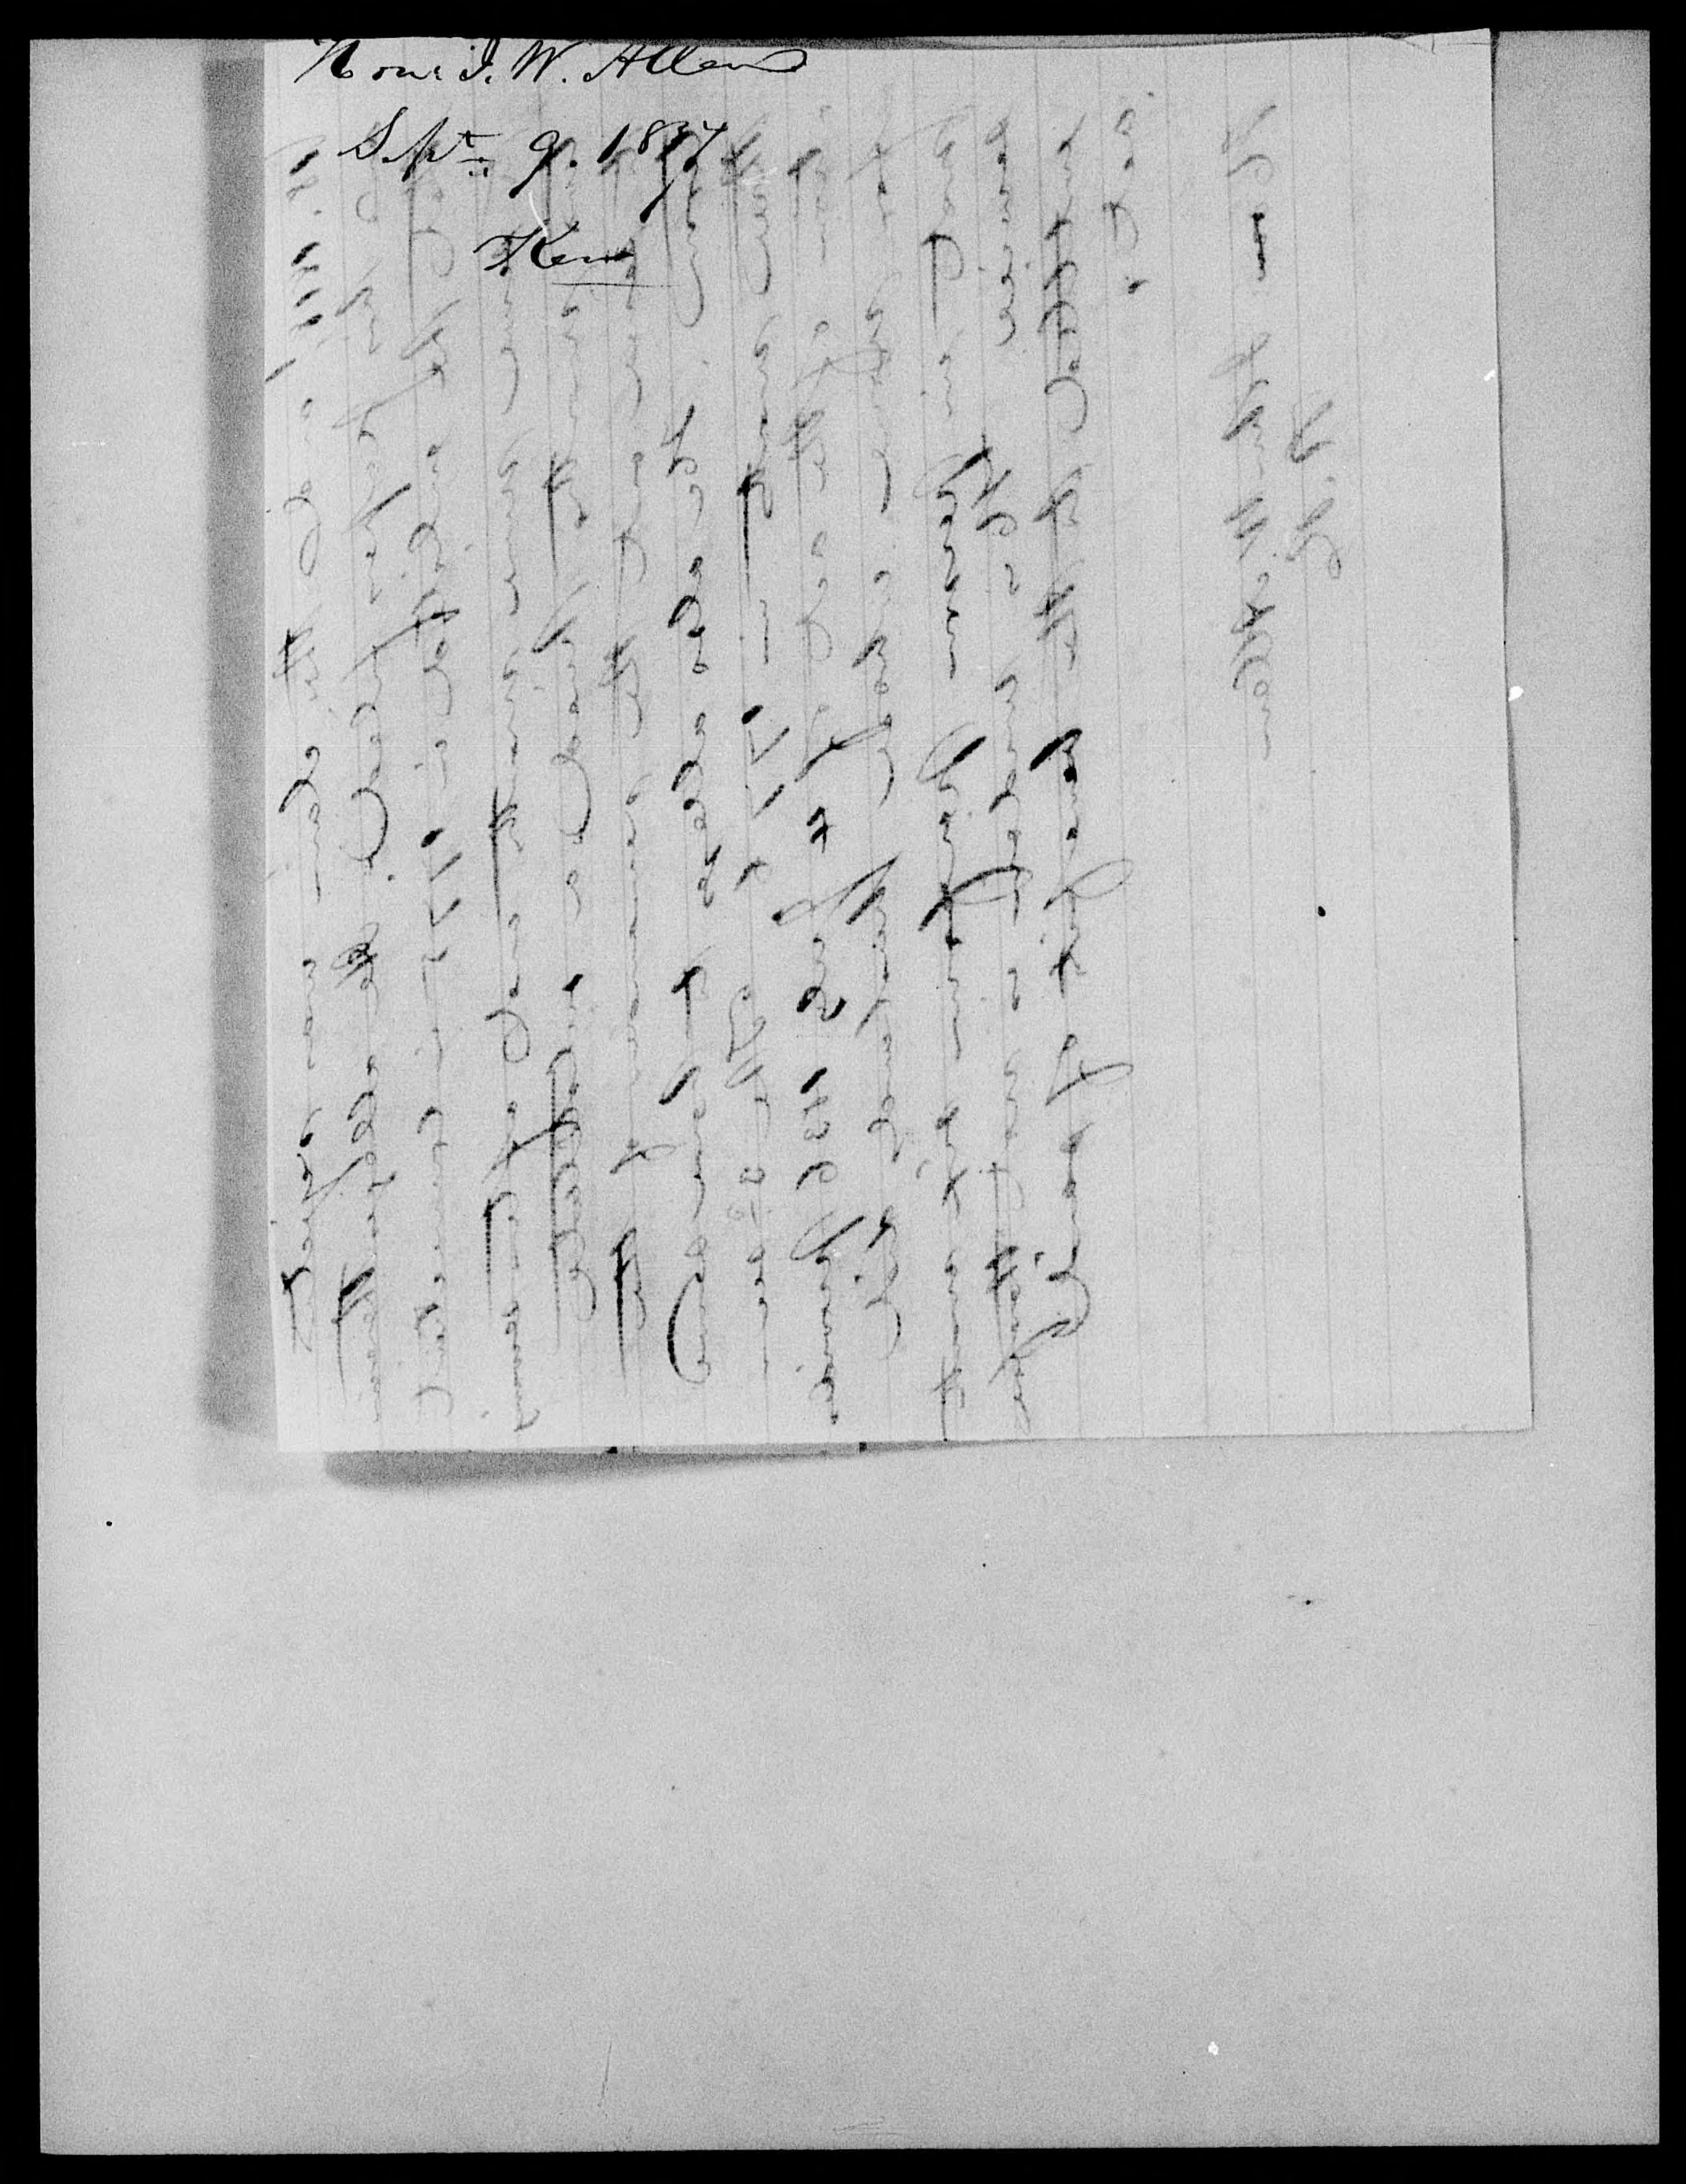Name?  J.W. Allen
  Sept 9 1837
      Ken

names: J W Allen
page: 15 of 20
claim: rejected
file: R. 17029, for Joseph Percy, Connecticut